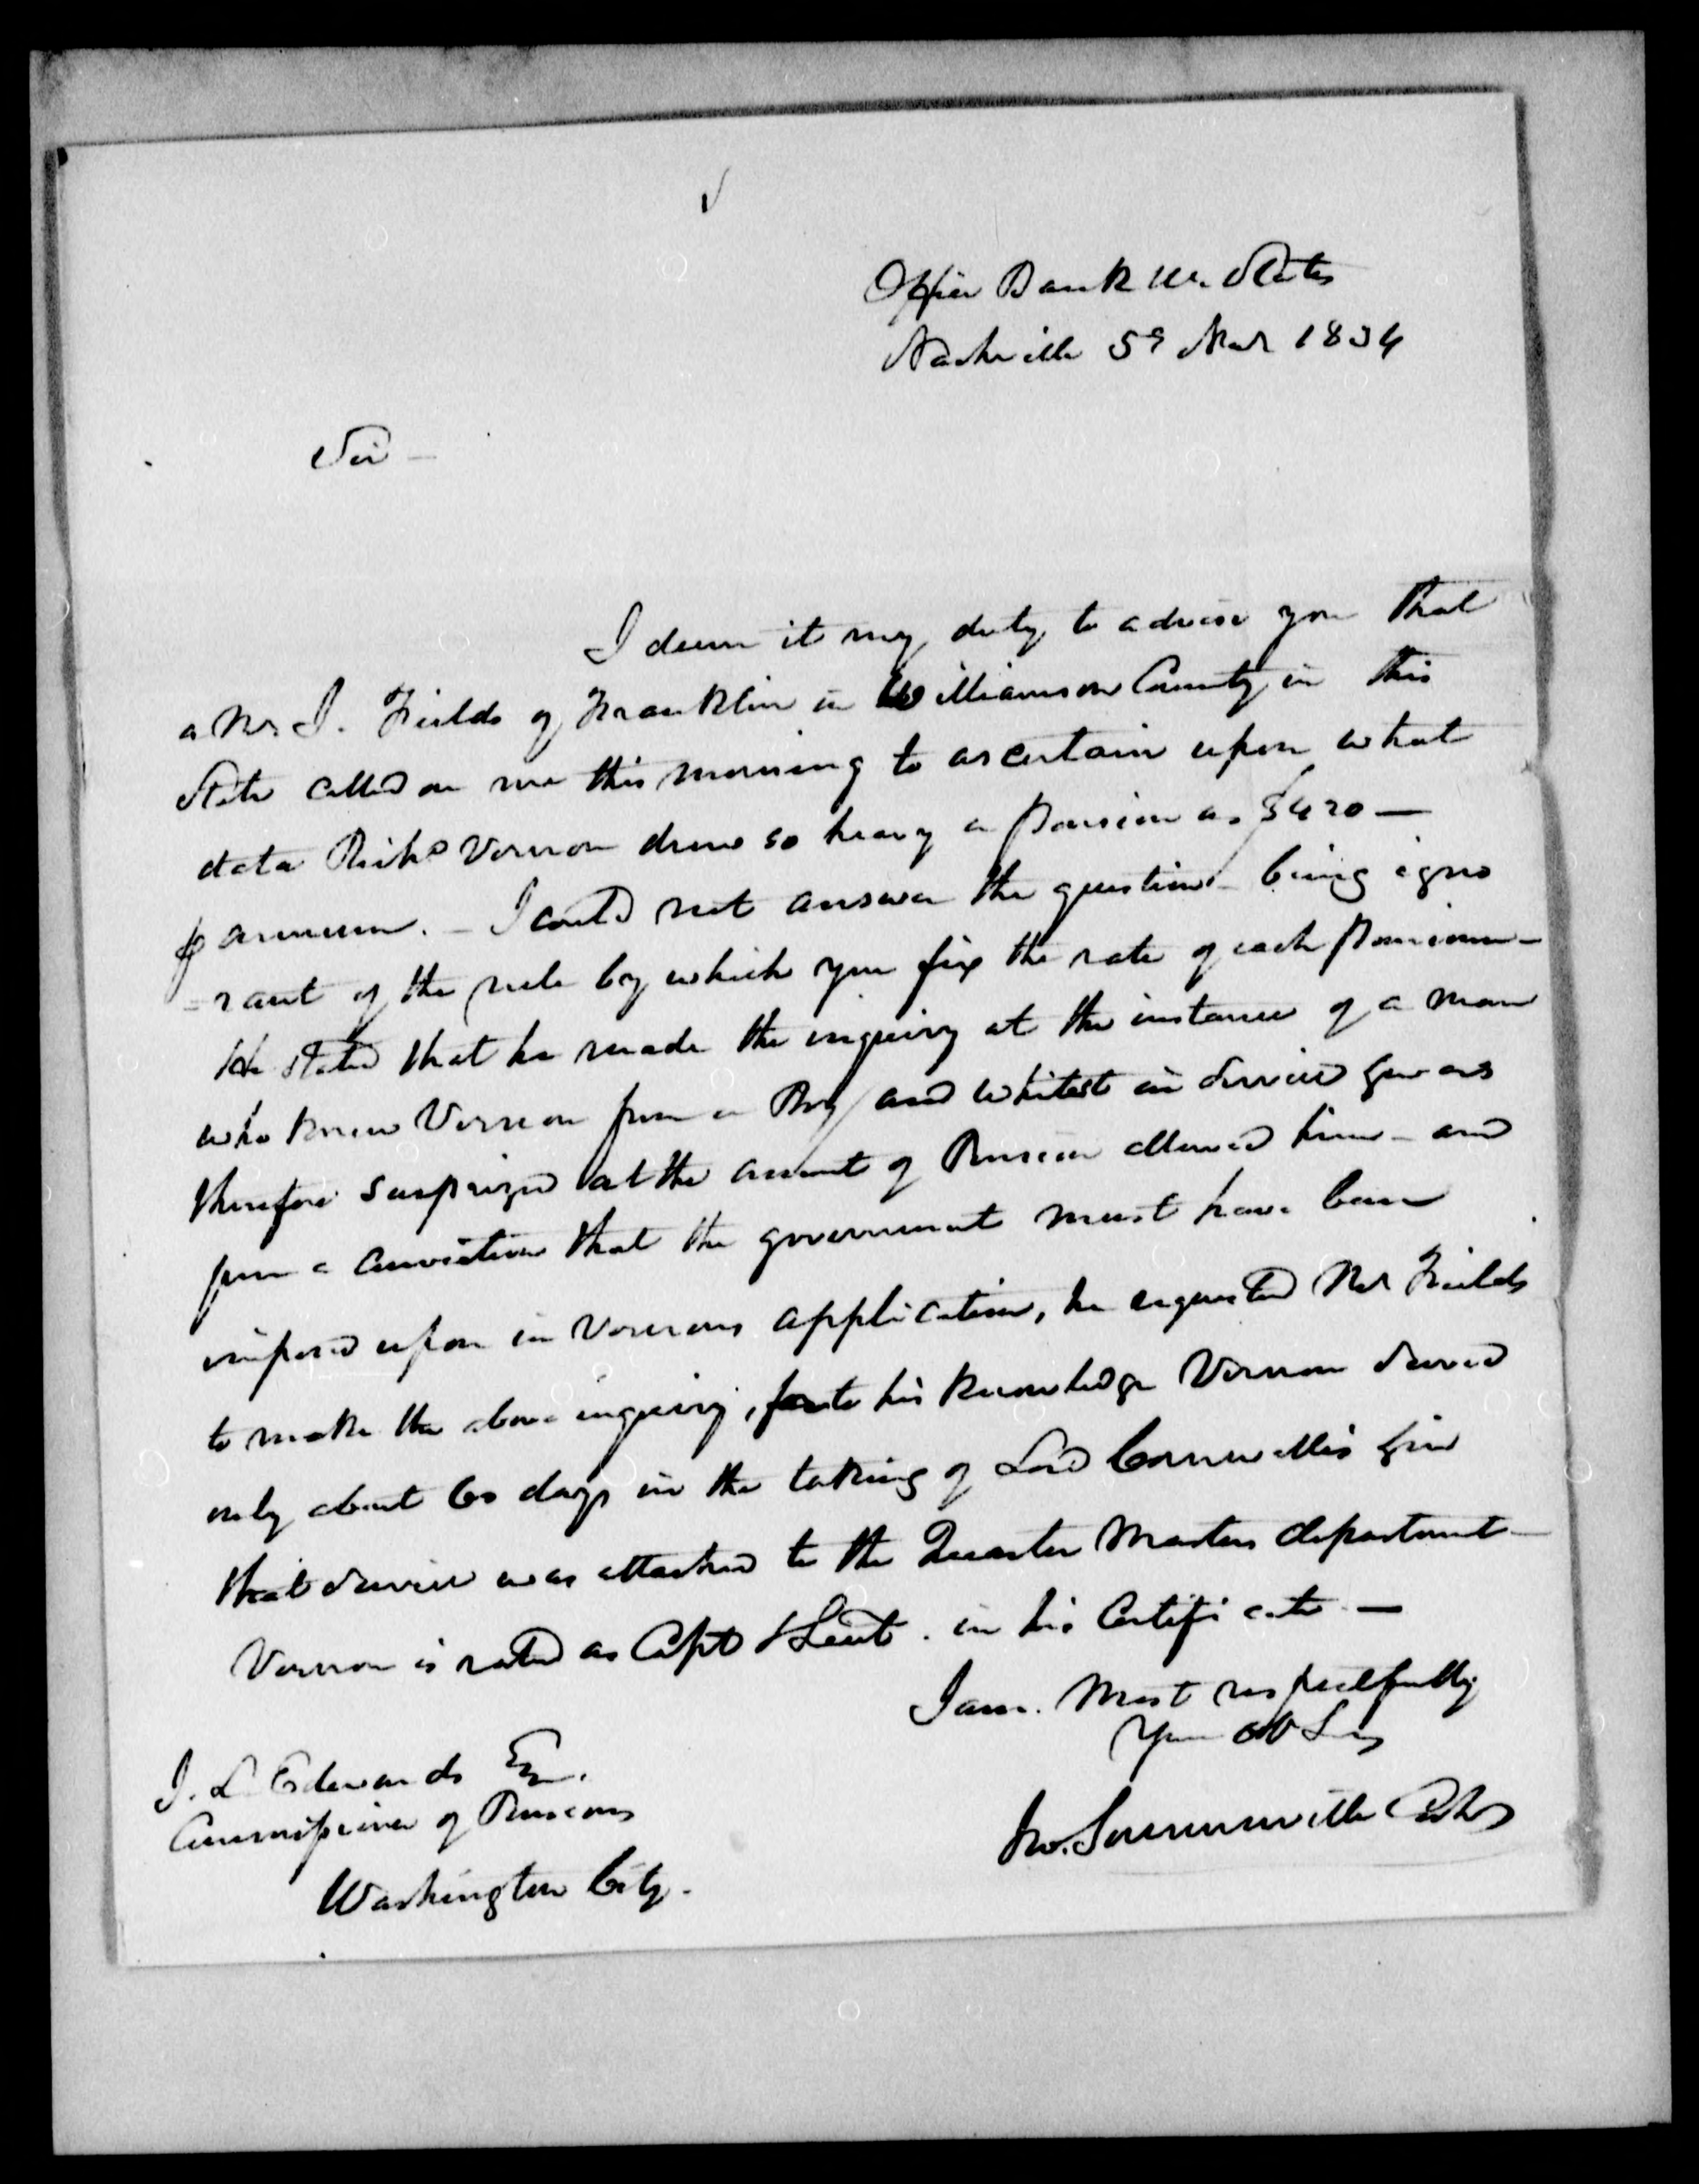OHier Bank W. States
Nashville 5th Mar 1834

Sir

I deem it my duty to advise you that a Mr. J. Fields of Franklin in Williamson County in this State called on me this morning to ascertain upon what data Rich’d. Vernon draws so heavy a pension as $420 – per annum. I could not answer the question being ignorant of the rule by which you fix the rate of each pension. He states that he made the inquiry at the instance of a man who knew Vernon from a [illegible] and whilest in service [illegible] therefore surprised at the amount of Pension allowed him – and from a conviction that the government must have been imposed upon in Vernons application, he suggested Mr. Fields to make the above inquiry, that his knowledge Vernon served only about 60 days in the taking of Lord Cornwallis first that service was attached to the Quarter Master department – Vernon is ranked as Capt & Lieut. In his Certificate –
I am most respectfully
Your obt. Svt.
Jn. Summerwith, Clrk

J. L. Edwards Esq.
Commissioner of Pensions
Washington City.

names: Vernon, Vernon, Richd Vernon, J Fields, Cornwallis, Vernon, Fields, Vernon, J L Edwards, Jno Summerville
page: 70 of 105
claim: survivor's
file: S. 1883, Richard Vernon, N.C.